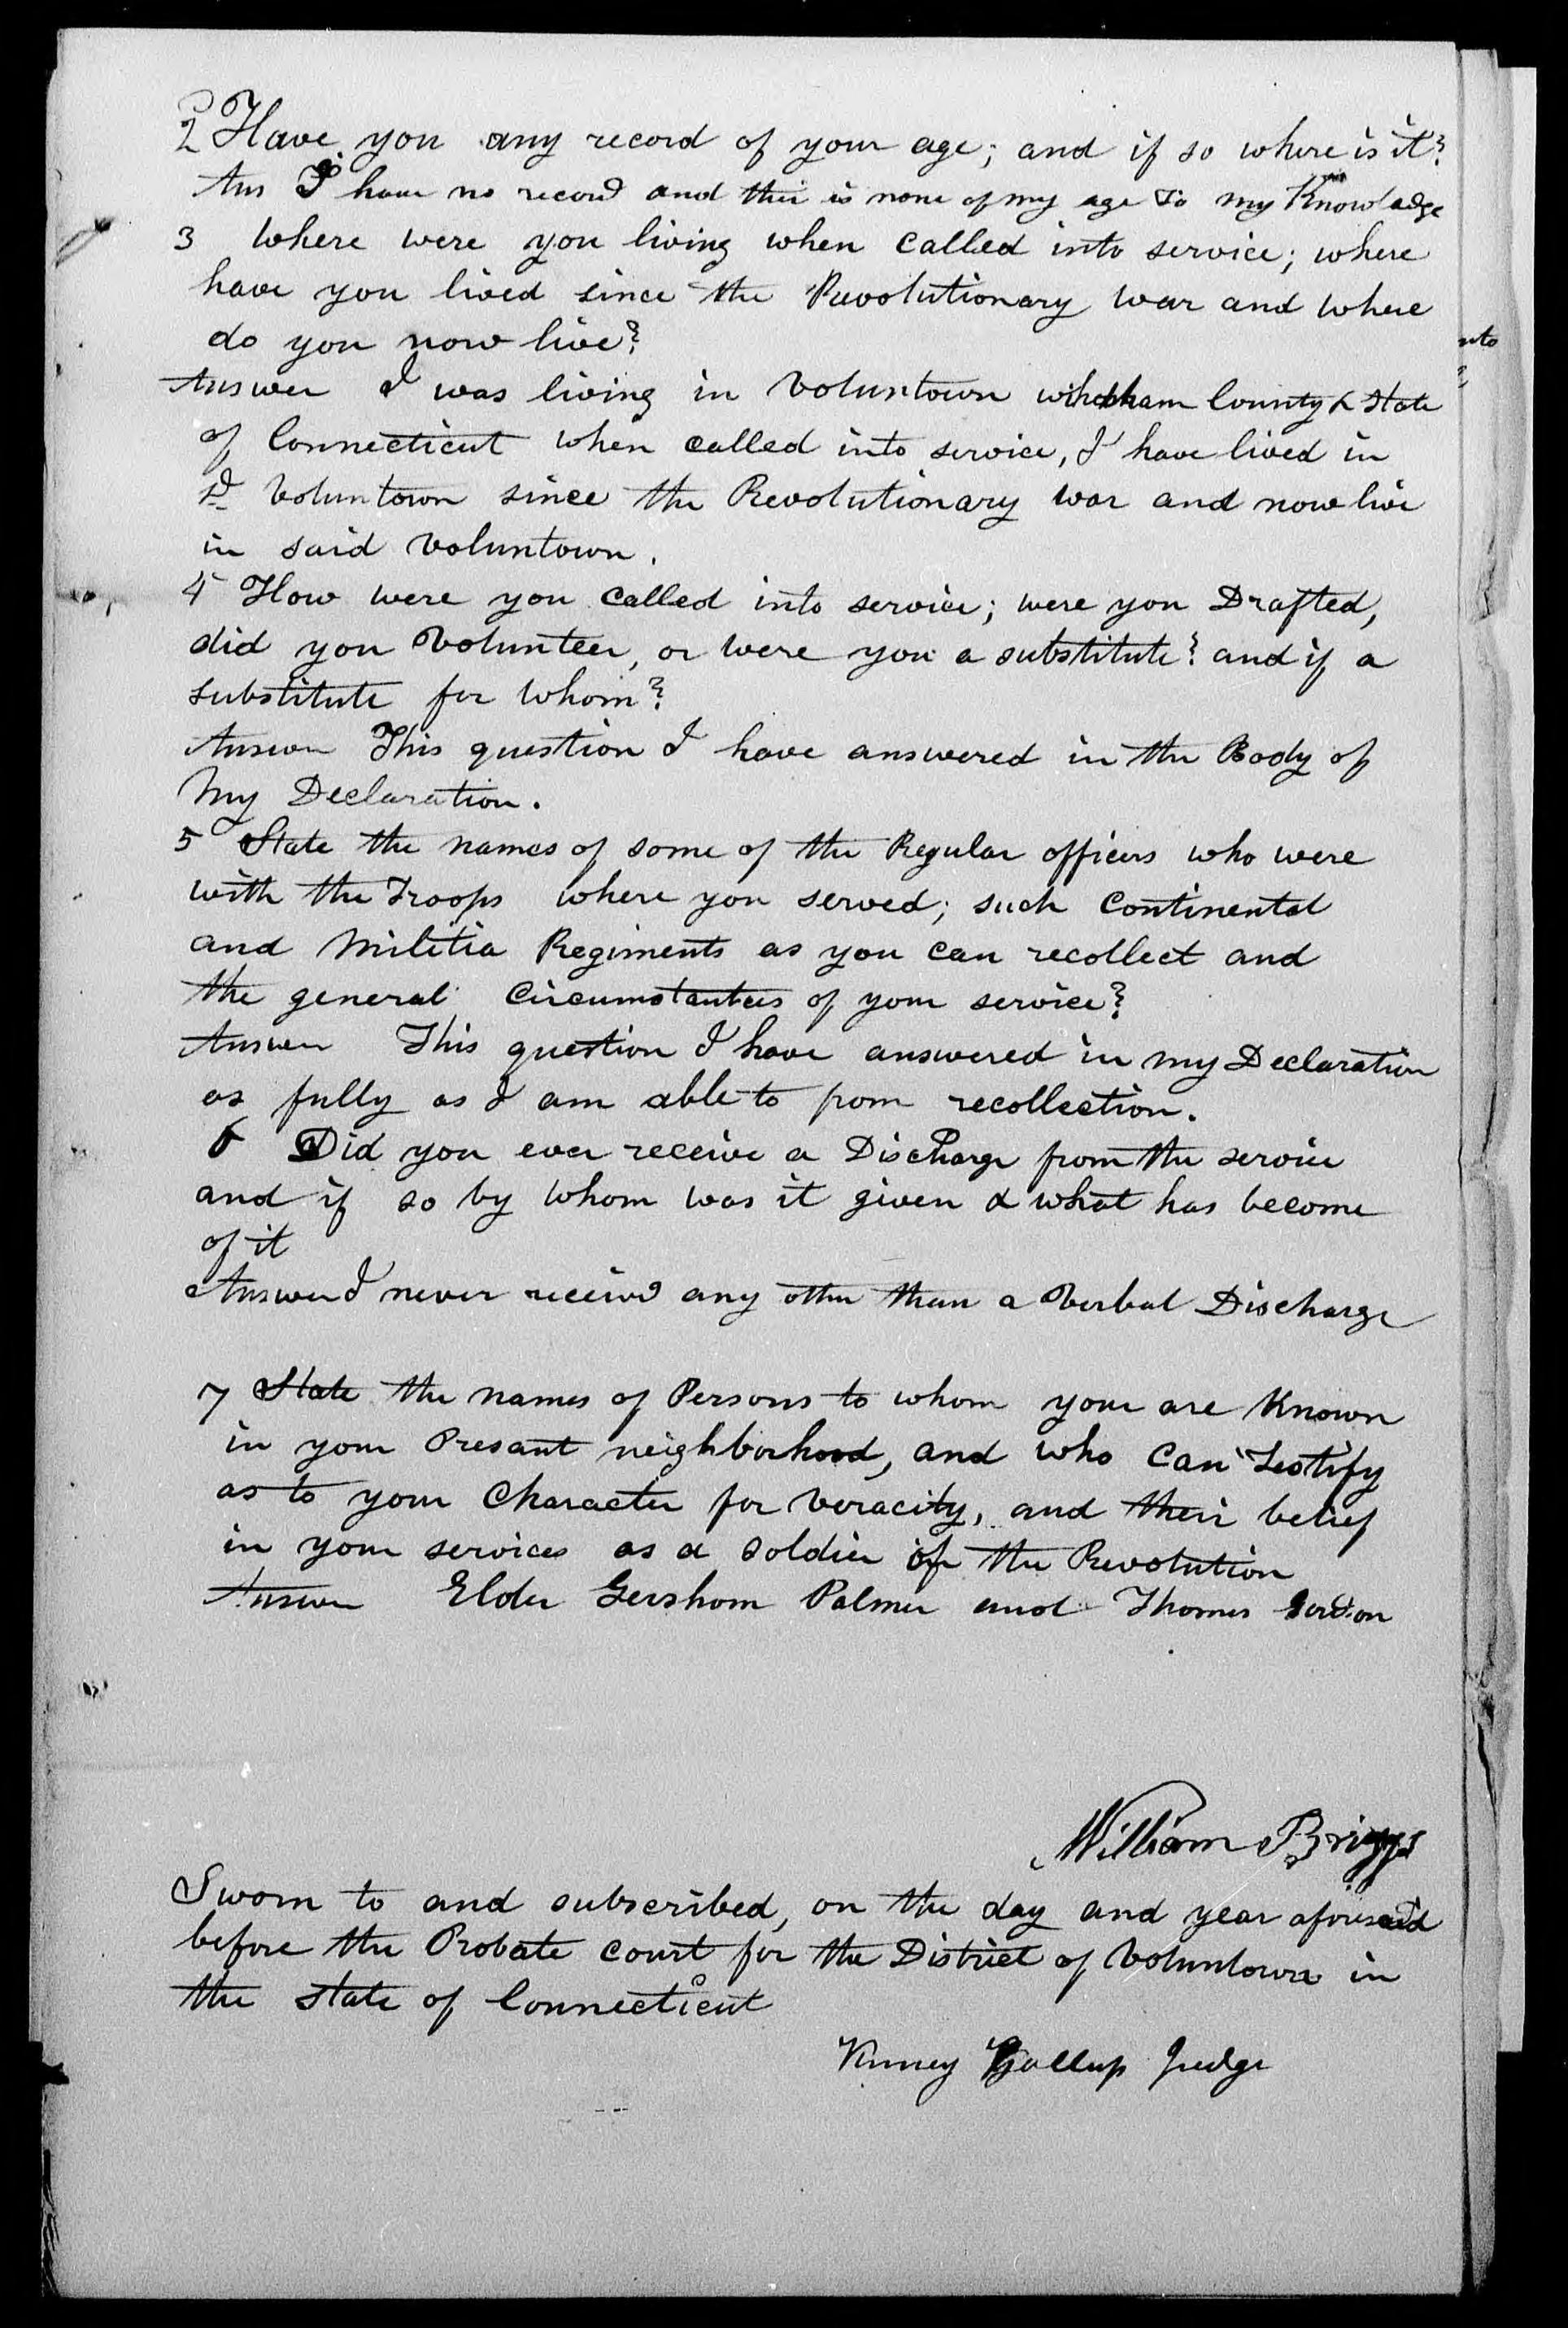2 Have you any record of your age; and if so where is it? 
Ans I have no record and there is none of my age to my knowledge 
3 Where were you living when called into service; where have you lived since the Revolutionary war and where do you now live? Answer I was living in Voluntown Windham County & State of Connecticut when called into service, I have lived in said Voluntown since the Revolutionary war and now live in said Voluntown. 
4 How were you called into service; were you Drafted, did you volunteer, or were you a substitute? and if a substitute for whom?
Answer This question I have answered in the Body of my Declaration. 
5 State the names of some of the Regular officers who were with the Troops where you served; such Continental and Militia Regiments as you can recollect and the general circumstances of your service? 
Answer This question I have answered in my Declaration as fully as I am able to from recollection. 
6 Did you ever receive a Discharge from the service and if so by whom was it given & what has become of it 
Answer I never received any other than a verbal Discharge 
7 State the names of persons to whom you are known in your present neighborhood, and who can Testify as to your character for veracity, and their belief in your services as a soldier of the Revolution 
Answer Elder Gersham Palmer and Thomas Gordon 

William Briggs 
Sworn to and subscribed, on the day and year aforesaid before the Probate Court for the District of Voluntown in the State of Connecticut 
Kenney Gallup Judge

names: Thomes Gordon, Kenney Gallup, Gershom Palmer, William Briggs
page: 7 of 37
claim: survivor's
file: S. 12,281, William Briggs, Conn.